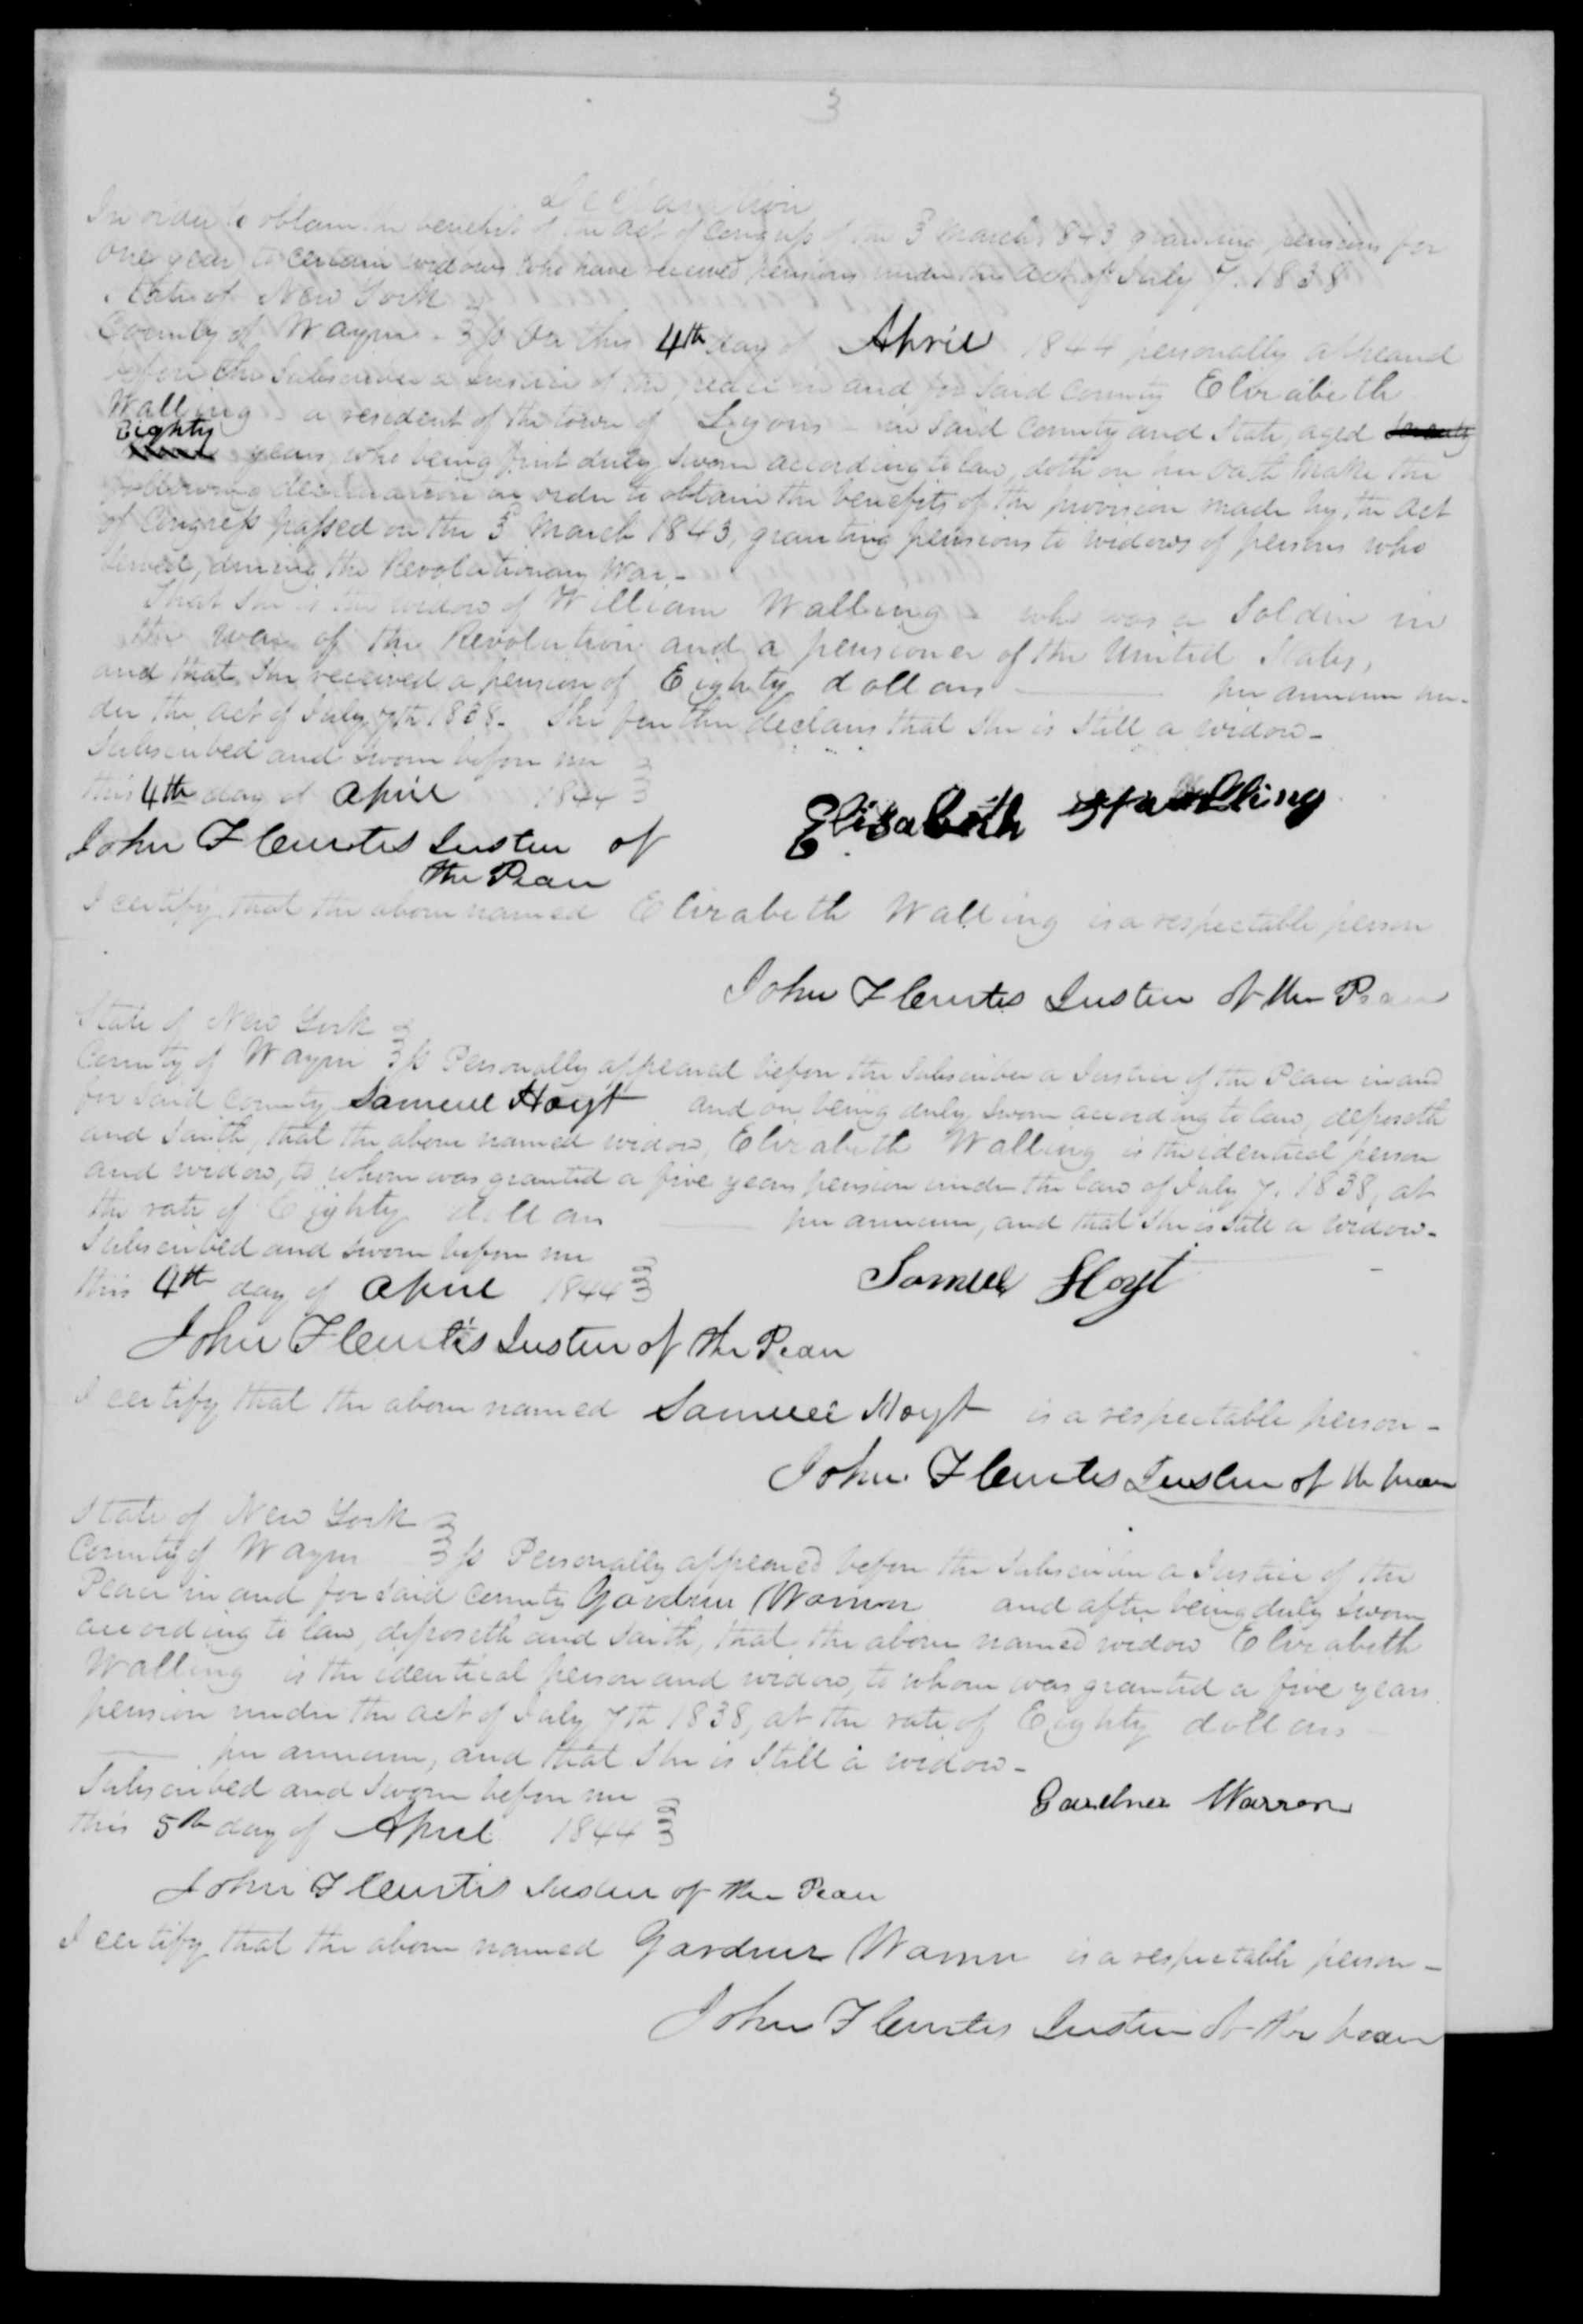3  - Declaration
In order to obtain the benefit of the act of Congress of the 3 March 1843 granting pensions for one year to certain widows who have received pensions under the act of July 7, 1838
State of New York
County of Wayne, ss
On this 4th day of April 1844 personally appeared before the Subscriber a Justice of the Peace in and for said County Elizabeth Walling a resident of the town of Lyons in this said county and State aged eighty years who being first duly sworn according to law, doth on her oath make the following declaration in order to obtain the benefits of the provision made of Congress proposed on the 3 March 1843, granting pensions to widows or persons who served during the Revolutionary War. That she is the widow of William Walling who was a soldier in the war of the Revolution and a pensioner of the United States, and that she received a pension of Eighty dollars ------ per annum under the Act of July 7th, 1838.  She further declares that she is still a widow.  Subscribed and sworn before me this 4th day of April 1844. John F Curtis, Justice of the Peace (signature) Elizabeth Walling
I certify that the above named Elizabeth Walling is a respectable person, John F Curtis, Justice of the Peace

State of New York, County of Wayne ss
Personally appeared before the subscriber a Justice of the Peace in and for said county Samuel Hoyt and on being duly sworn according to law, deposeth and saith that the above named widow, Elizabeth Walling is the identical person and widow to whom was granted a five years pension under the law of July 7, 1838 at the rate of Eighty dollars ------ per annum, and that she is still a widow.  Subscribed and sworn before me this 4th day of April 1844 (signature) Samuel Hoyt
John F Curtis, Justice of the Peace
I certify that the above named Samuel Hoyt is a respectable person (signature) John F Curtis, Justice of the Peace

State of New York, County of Wayne ss
Personally appeared before the subscriber a Justice of the Peace in and for said county Gardner Warren and after being duly sworn and according to law, desposeth and saith that the above named widow Elizabeth Walling is the identical person and widow to whom was granted a five years pension under the Act of July 7th 1838 at the rate of Eighty dollars ------- per annum, and that she is still a widow (signature) Gardner Warren Subscribed and sworn before me this 5th day of April 1844 John F Curtis, Justice of the Peace
I certify that the above named Gardner Warren is a respectable person (signature) John F Curtis, Justice of the Peace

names: John F Curtis, William Walling, Elizabeth Walling, John F Curtis, Gardner Warren, John F Curtis, Gardner Warren, John F Curtis, Elizabeth Walling, Elizabeth Walling, John F Curtis, Gardner Warren, Samuel Hoyt, Samuel Hoyt, Samul Hoyt, Elizabeth Walling, John F Curtis, Elizabeth Walling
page: 49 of 66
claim: widow's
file: W. 19588, William Walling, New Jersey